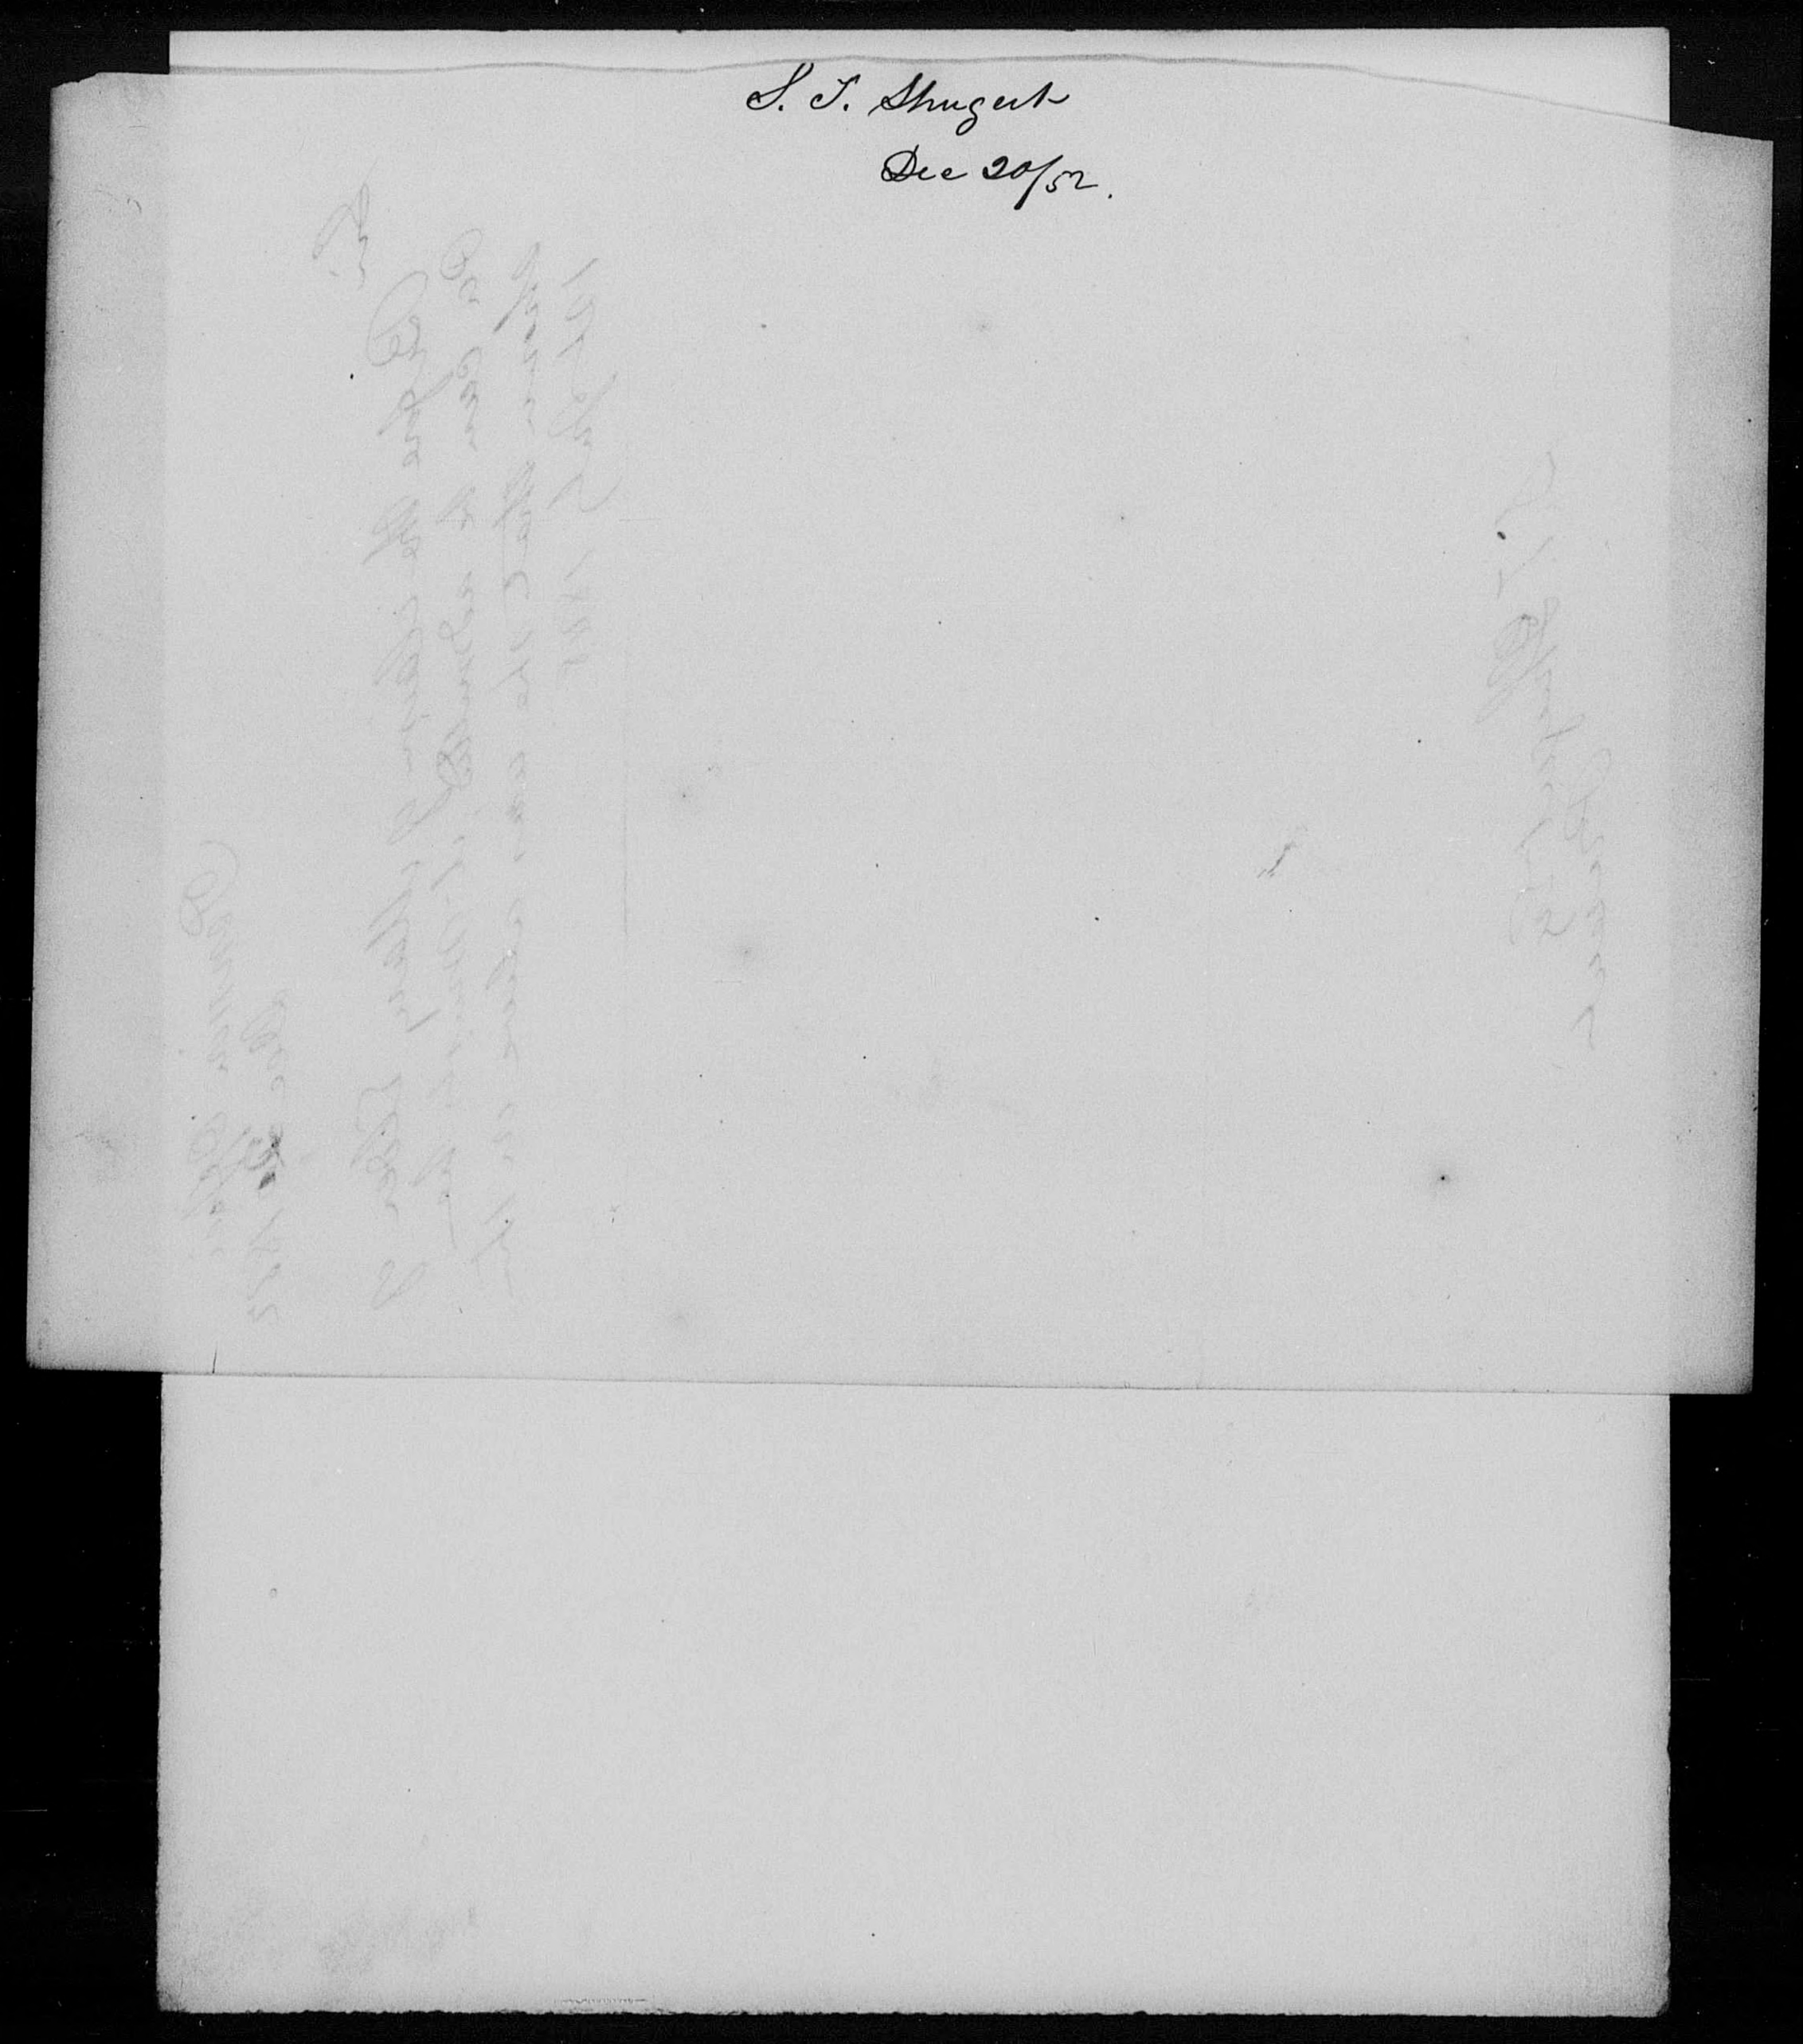S.T. Shutter t
Dec 20/52

This is the back of a letter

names: S T Shugert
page: 38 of 80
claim: widow's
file: W. 24117, John Elder, Penn.